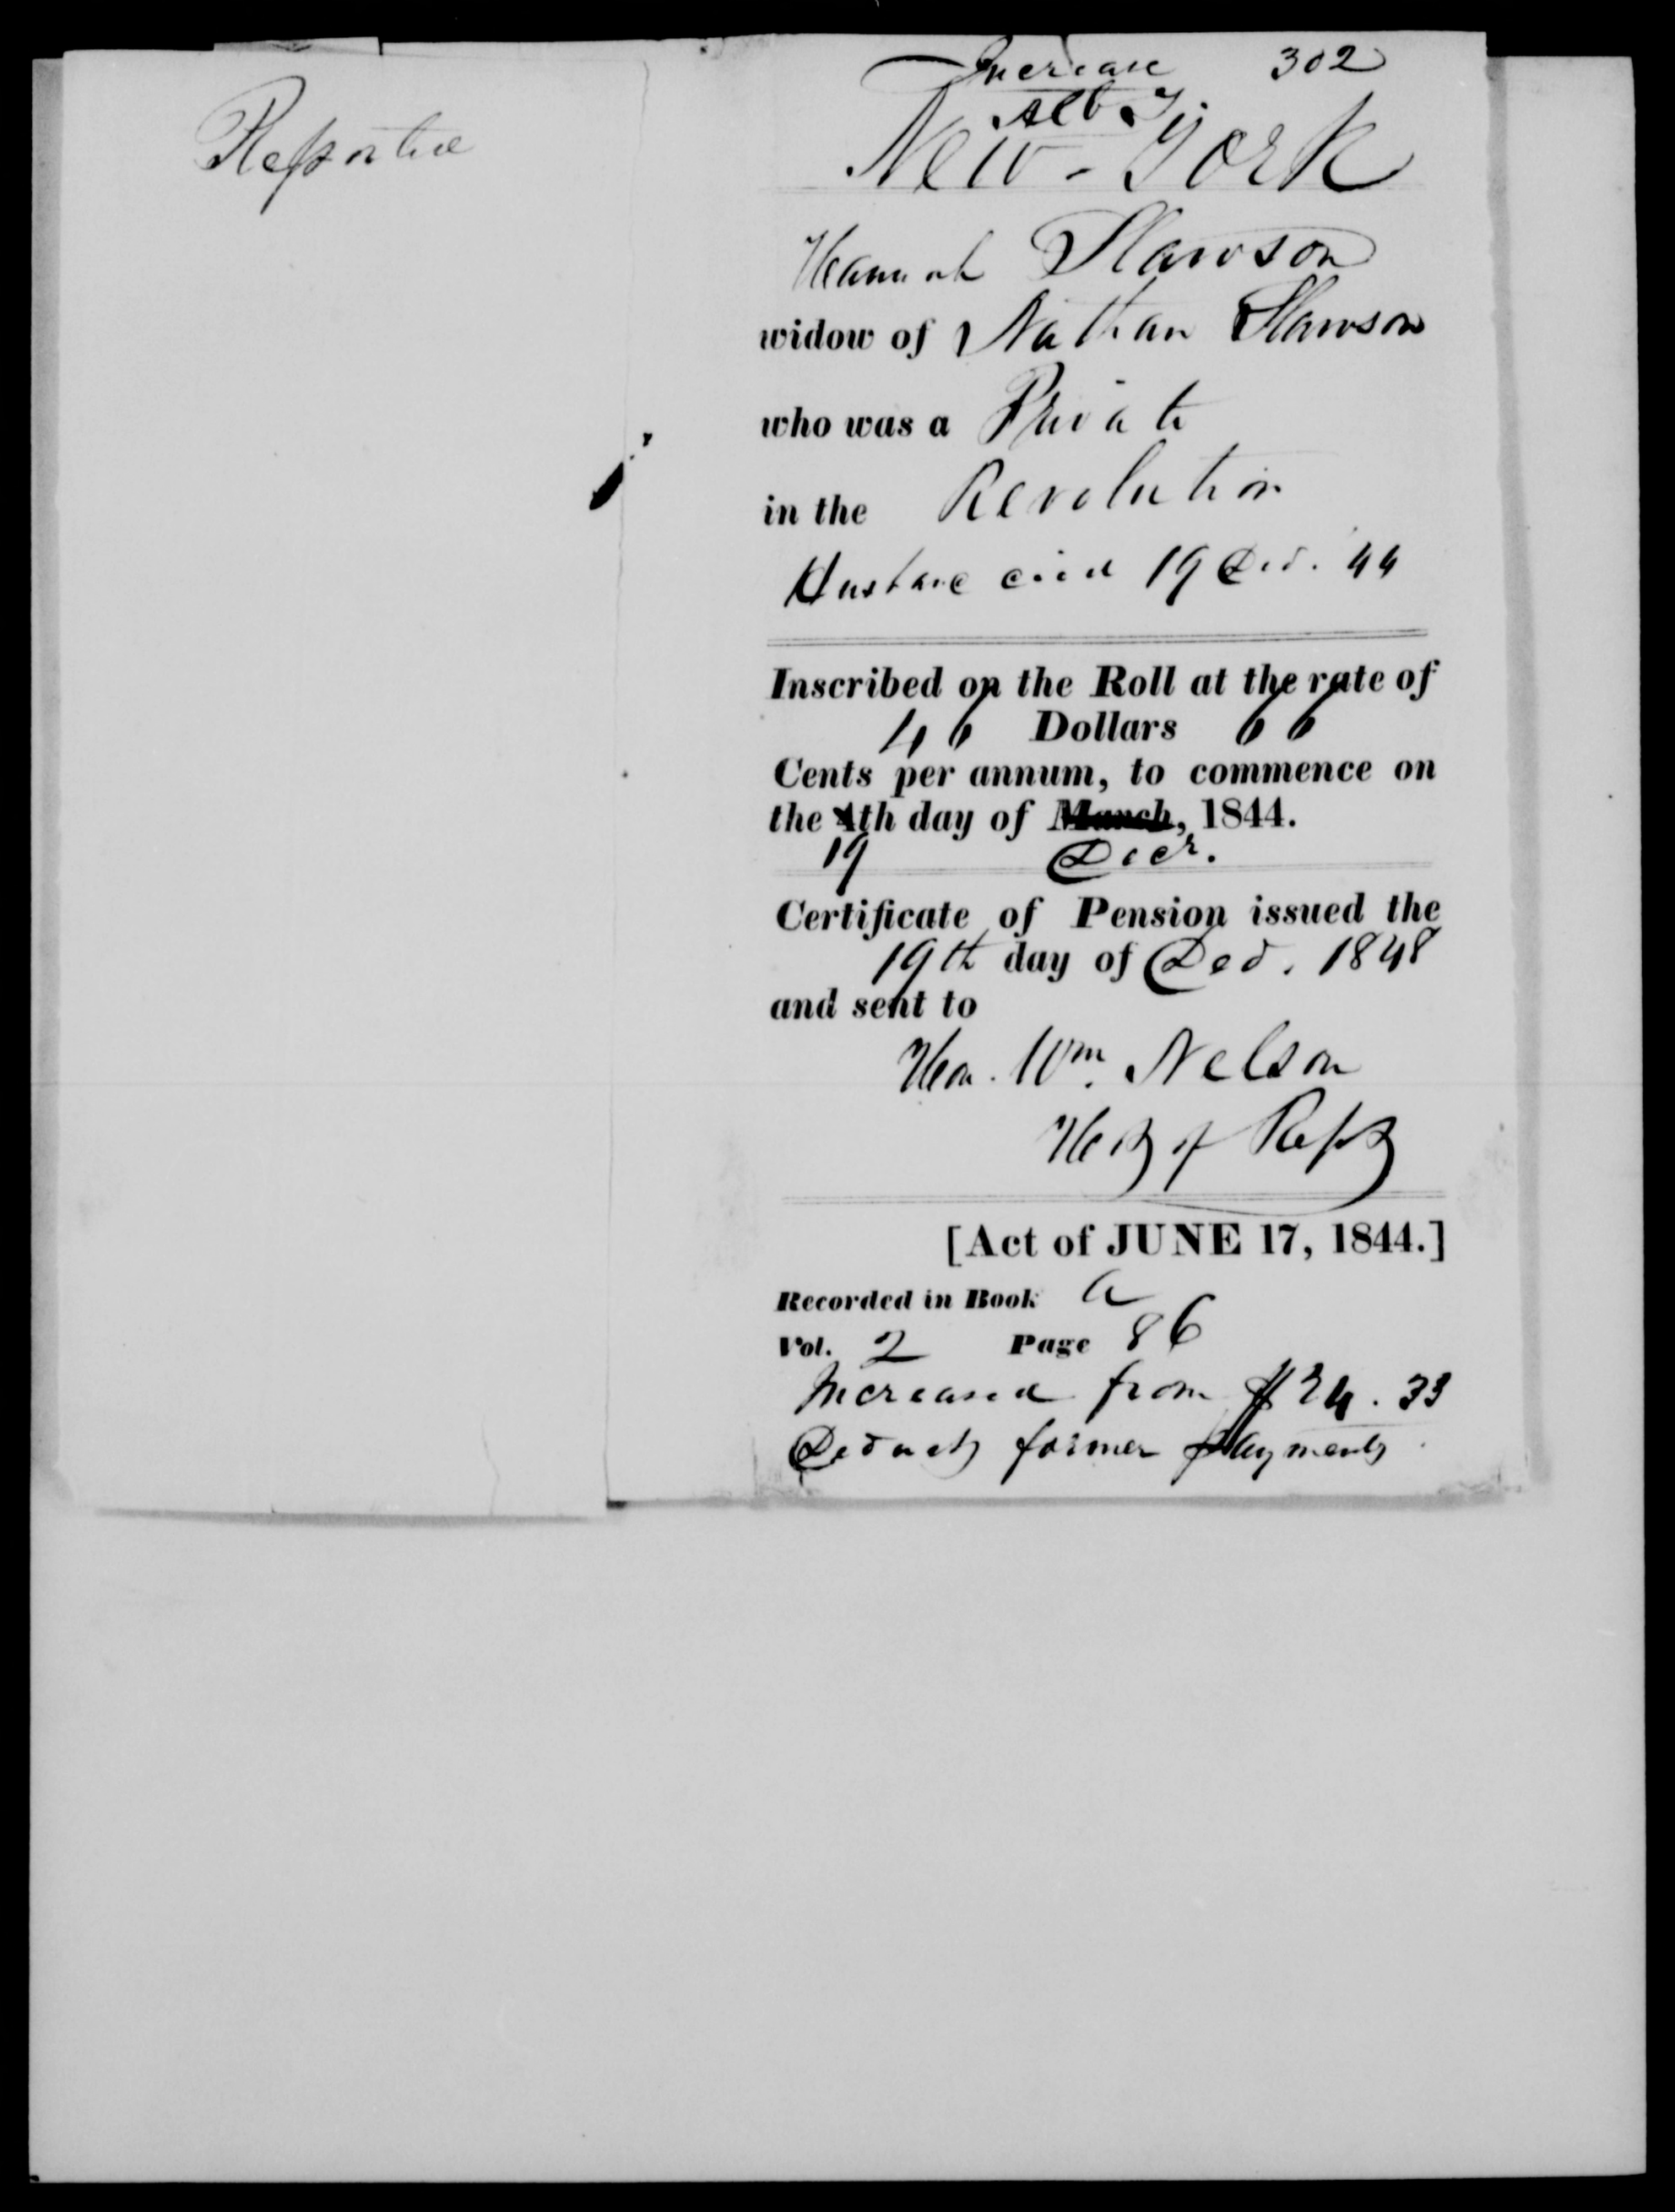Reported 
Increase 302 Albany N York 
Hannah Slawson widow of Nathan Slawson who was a Private in the Revolution 
Husband died 19 Dec. 44 
Inscribed on the Roll at the rate of 46 Dollars 66 Cents per annum, to commence on the 19th day of Decr 1844. 
Certificate of Pension issued the and 19th day of Dec. 1848 
Hon. Wm Nelson House of Reps 
[Act of JUNE 17, 1844.]
Recorded in Book  A  Vol  2  Page 86 
Increased from $24.33 – 
Deduct former payments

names: Nathan Slawson; Wm Nelson; Hannah Slawson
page: 30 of 87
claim: widow's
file: W. 22,226, for Nathan Slawson, Connecticut